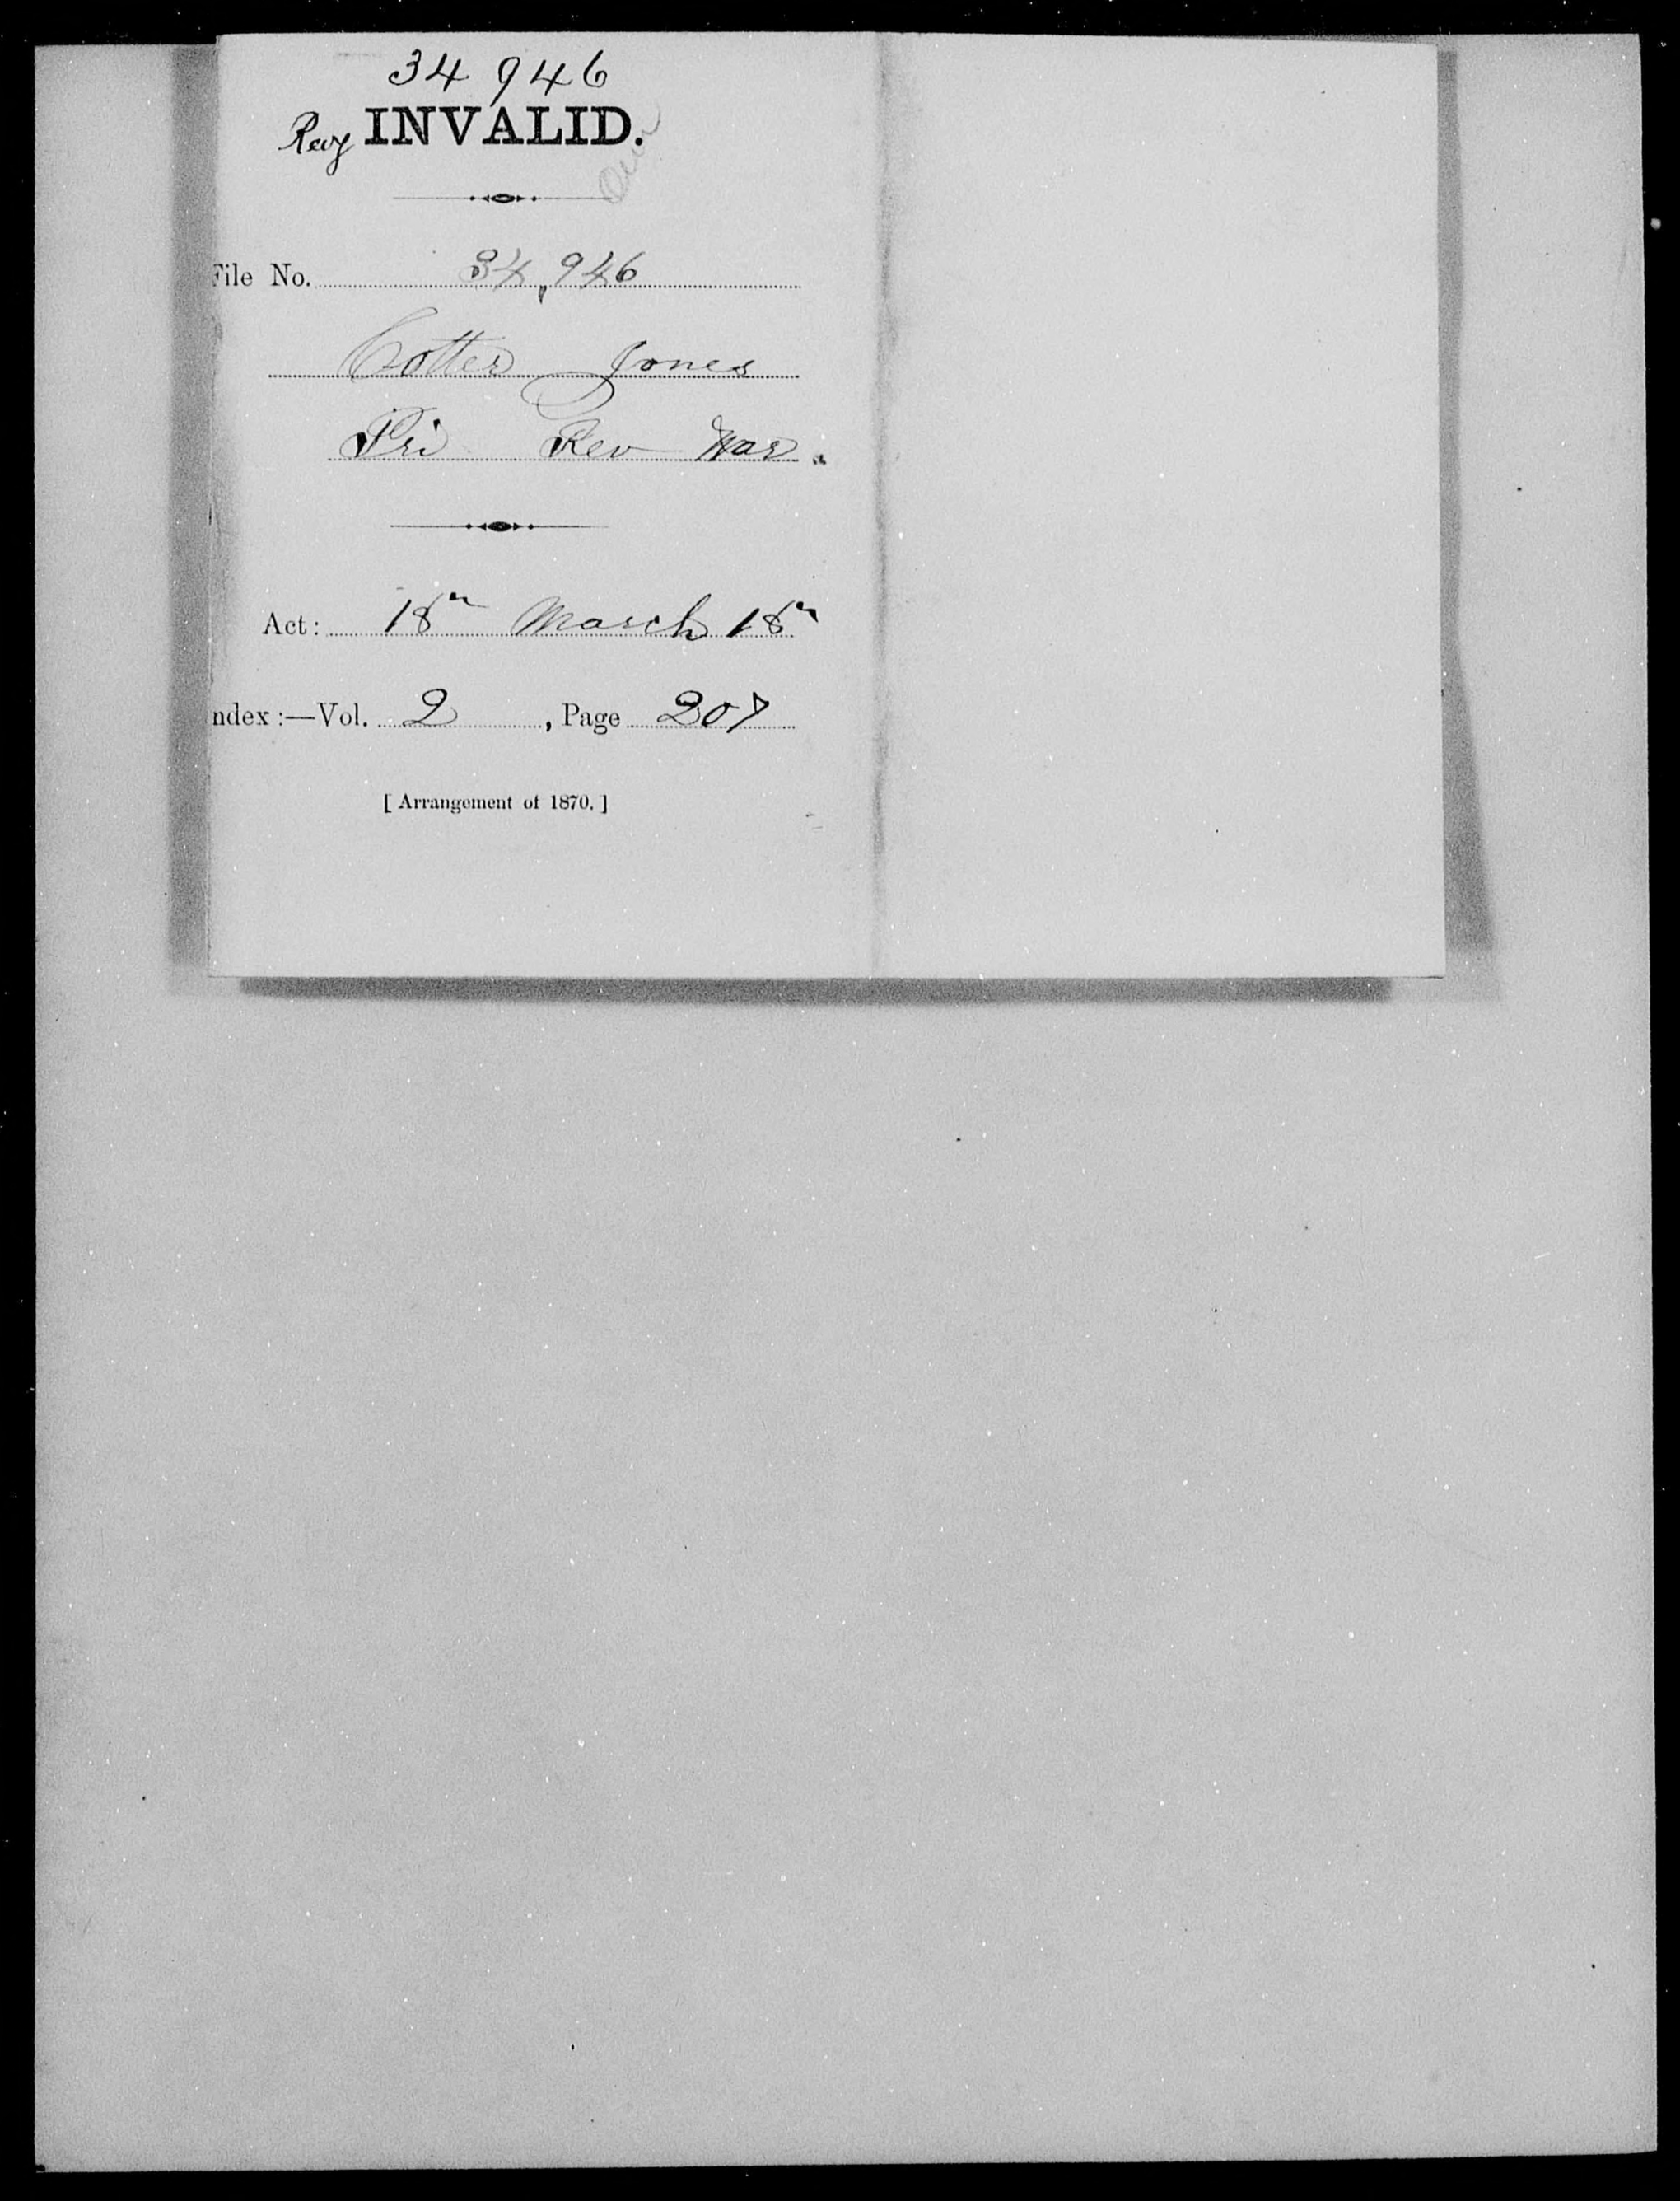34946
Revy
INVALID

File No 34946
Cotter Jones
Pri Rev War

Act: 18th March '18

Index: Vol 2 Page 207

[Arrangement of 1870.]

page: 14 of 15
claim: survivor's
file: S. 34946, for Cotter Jones, Maryland